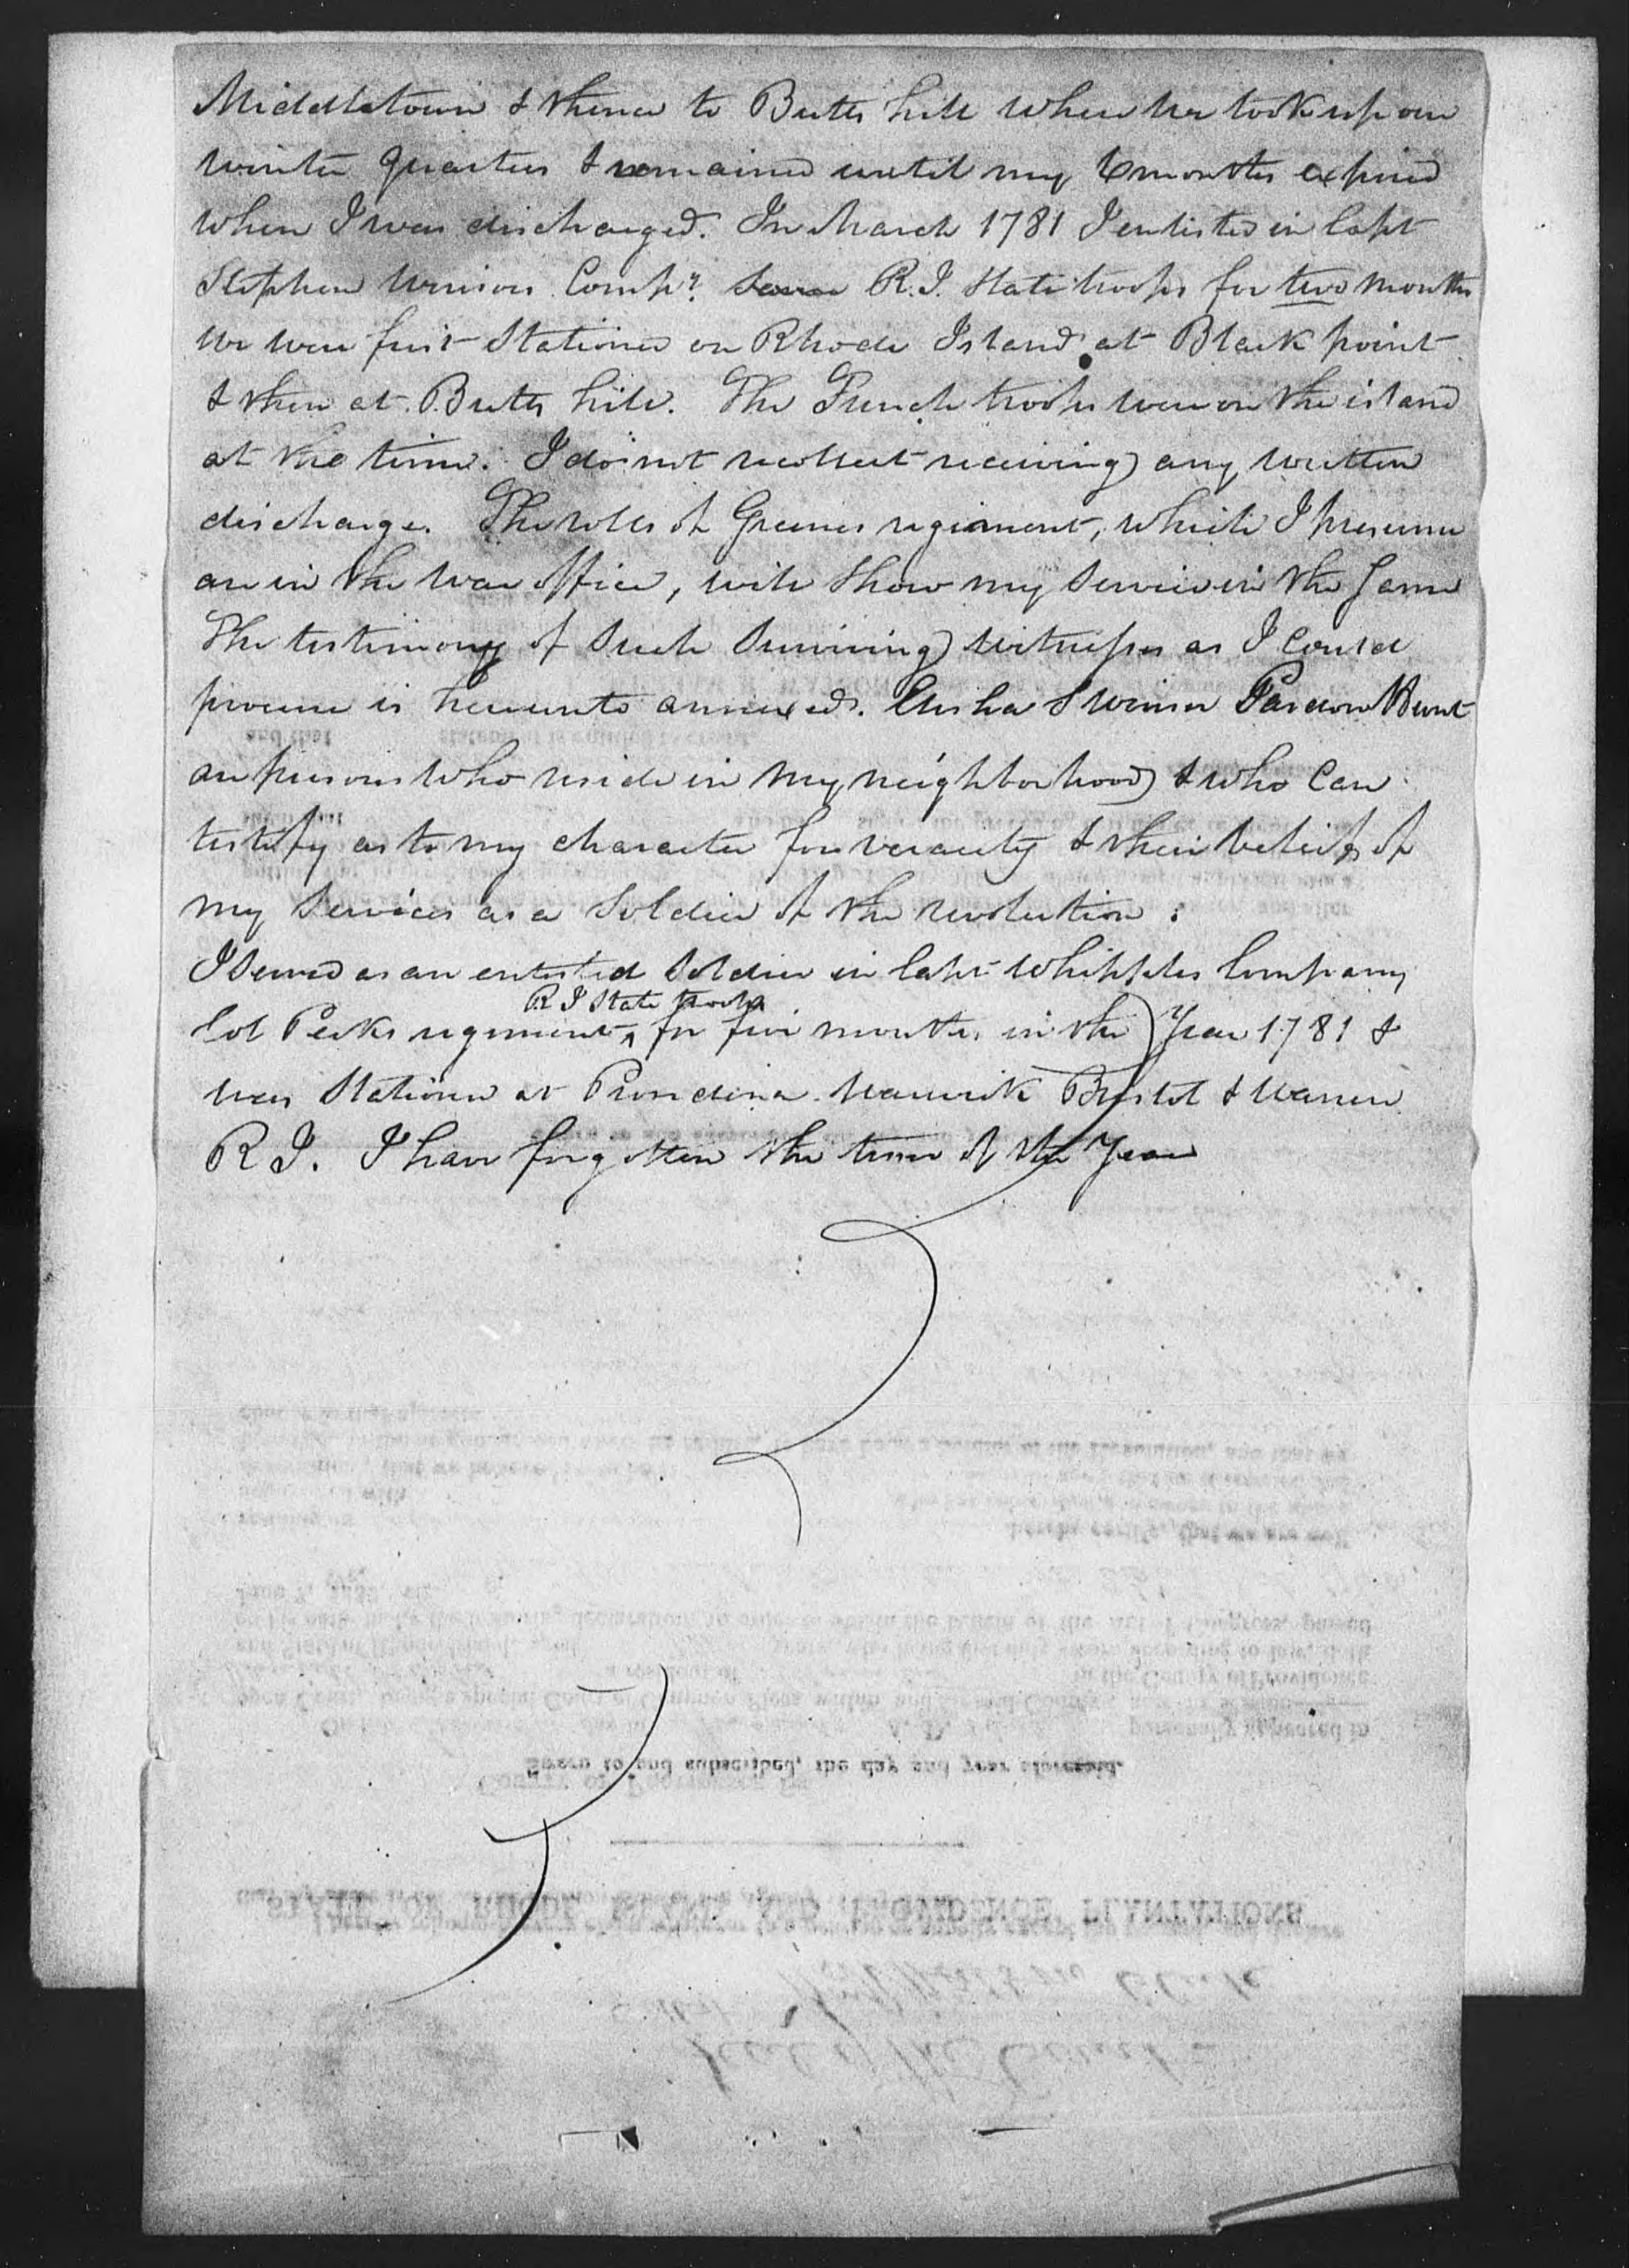Middletown & thence to Butts hill where he took up one
winter quarters & remained until my months expired
when I was discharged. In March 1781   I enlisted in Capt
Stephen [illegible[ Comp Serve R.J. State troops for two months
we were first stationed on Rhode Island at Black point
& then at Butt hill. The French troops were on the island
at the time. I do not recollect receiving any written
discharge. The rolls of Greenes regiment, which I presume
an in the war office, will show my service in the same
The testimony of such surviving witnesses as I could
procure is hereunto annexed. Elisha S Winner Parson Hunt
and persons who reside in my neighborhood & who can
testify as to my character for veracity & their belief of
my services as a soldier of the Revolution
I served as an enlisted soldier in Capt Whipples Company
[illegible] Perks regiment  RI State Troops for five months, in the year 1781
and 
was stationed at [illegible] Warwick Bristol & [illegible] 
R I. I have forgotten the time of the year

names: Elisha S Winner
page: 5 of 17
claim: survivor's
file: S. 21285, Daniel Hicks, R.I.